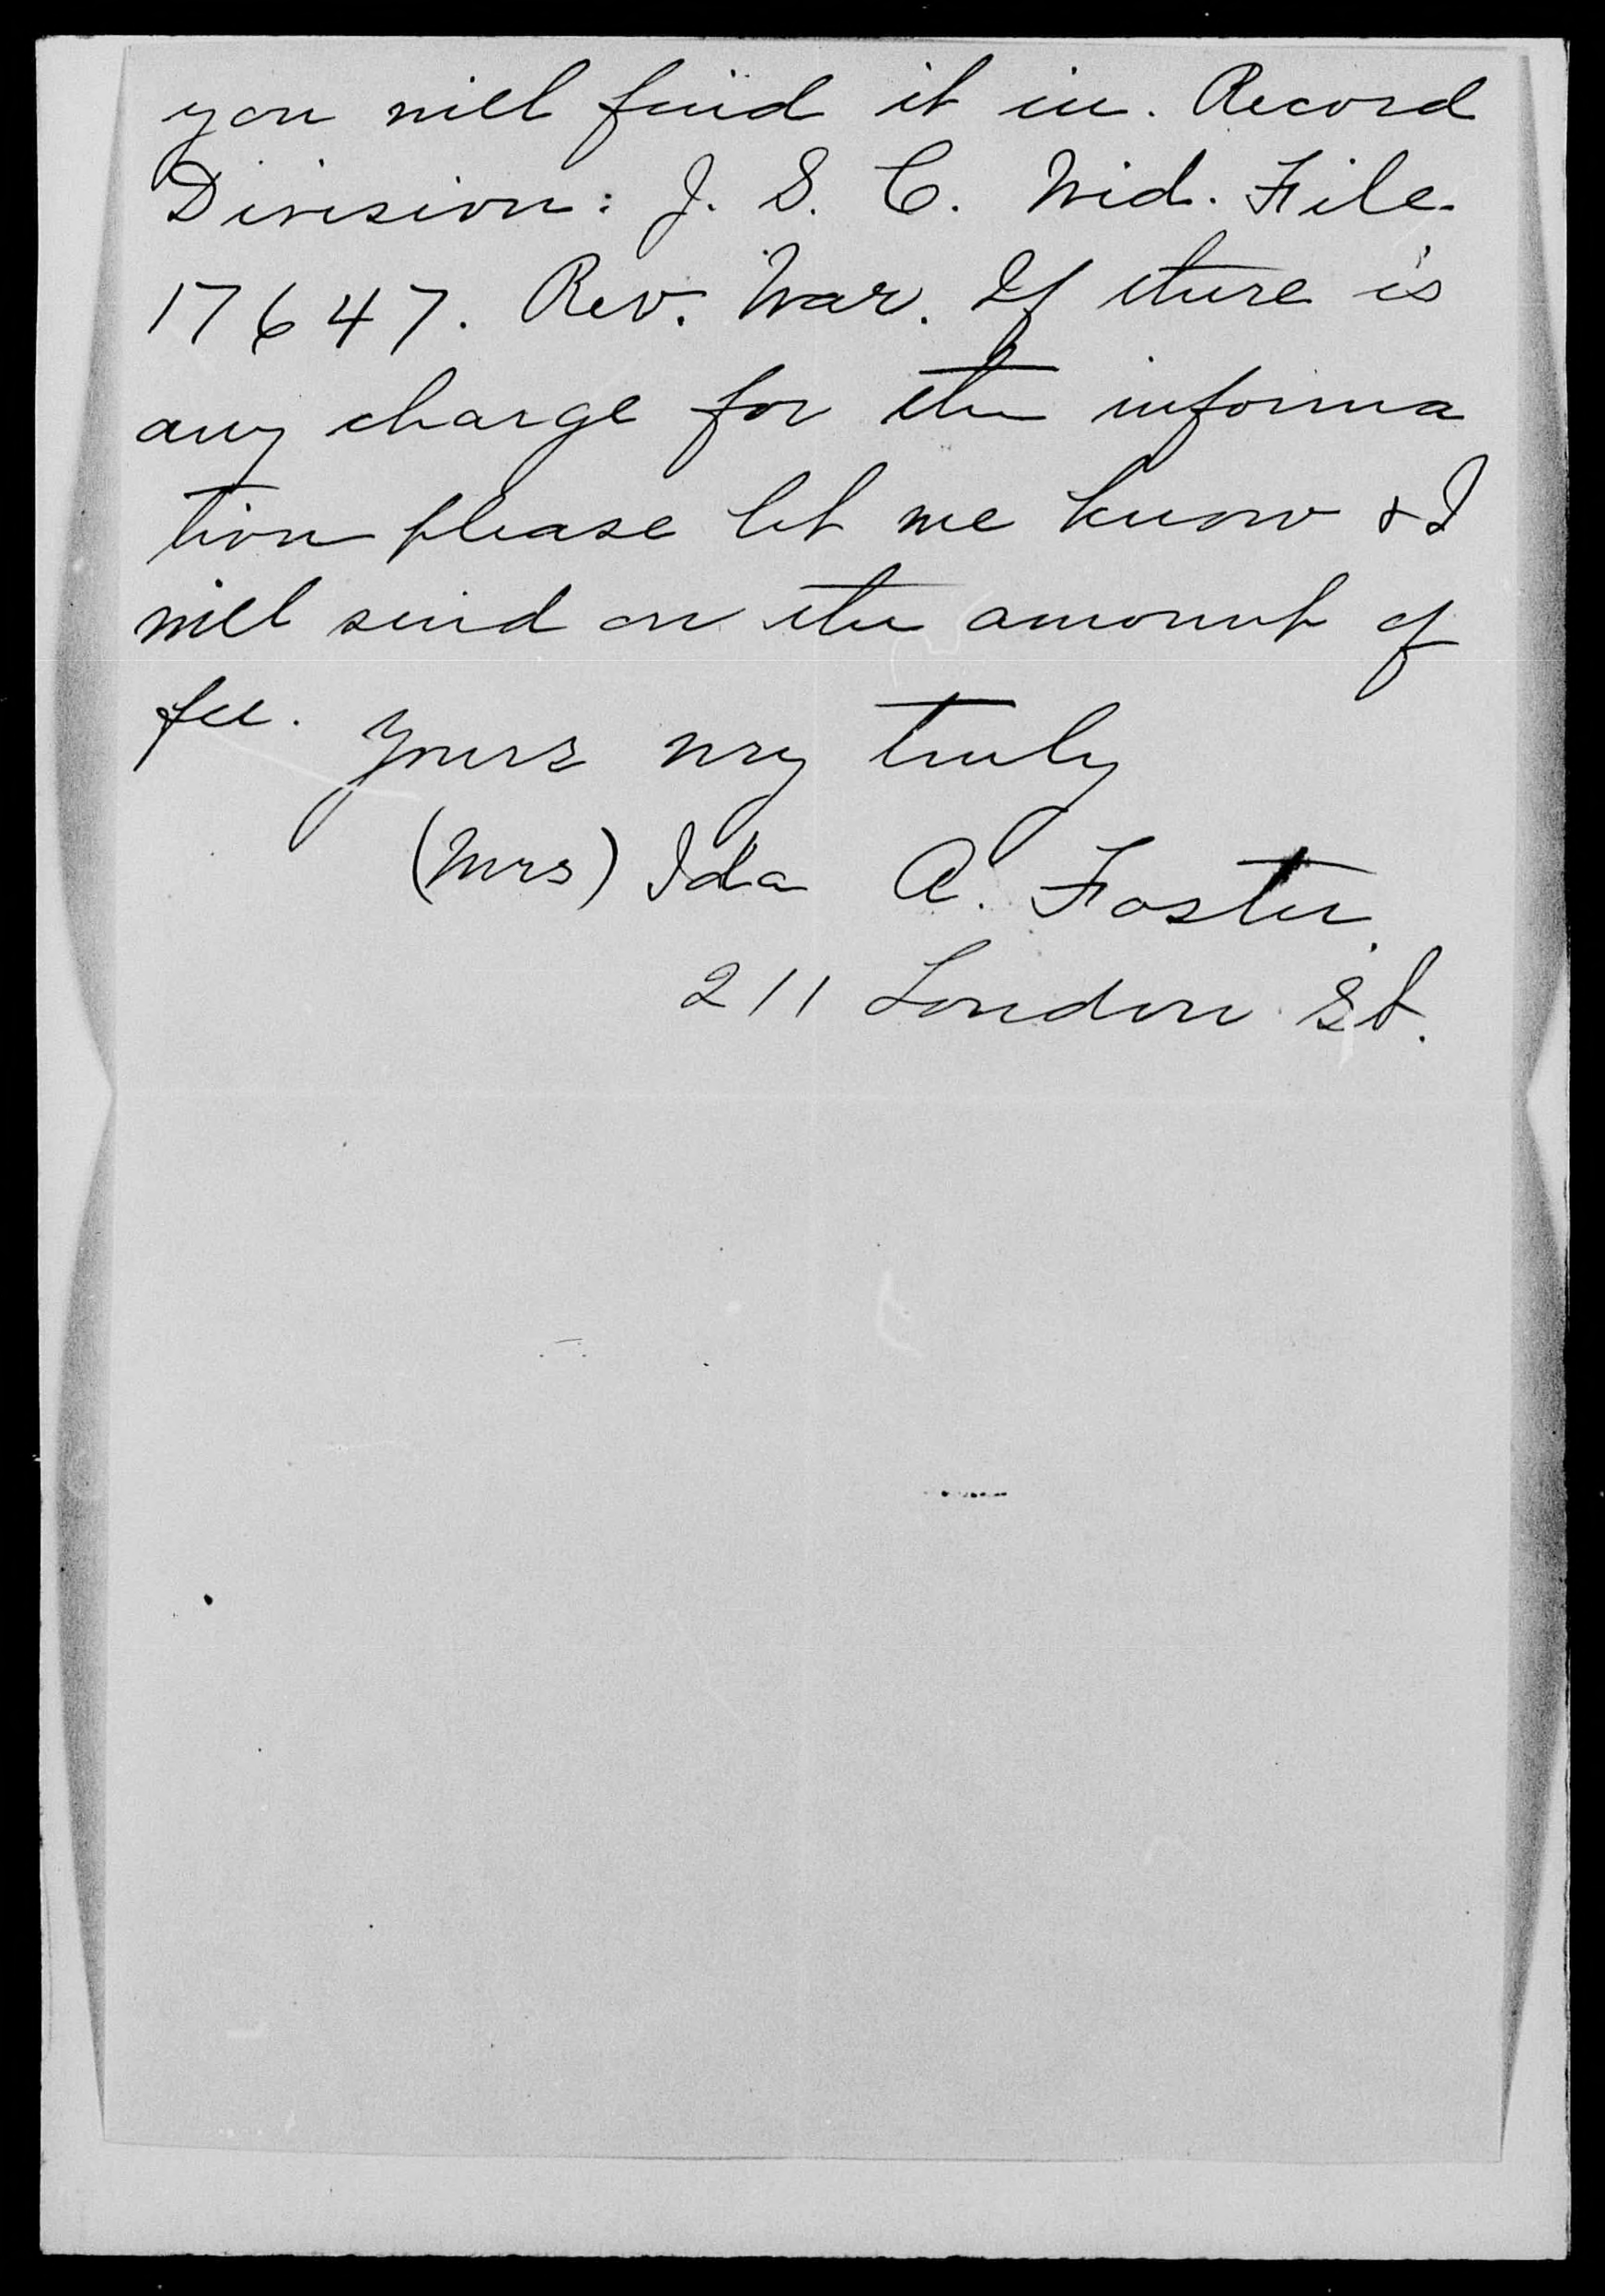you will find it in. Record Division: J. S. C. Wid. File 17647. Rev. War. If there is any charge for the information please let me know & I will send on the amount of fee.
Yours very truly
(Mrs) Ida A. Foster.
211 London St.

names: Ida A Foster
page: 24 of 43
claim: widow's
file: W. 17,647, Aaron Comstock, Conn.